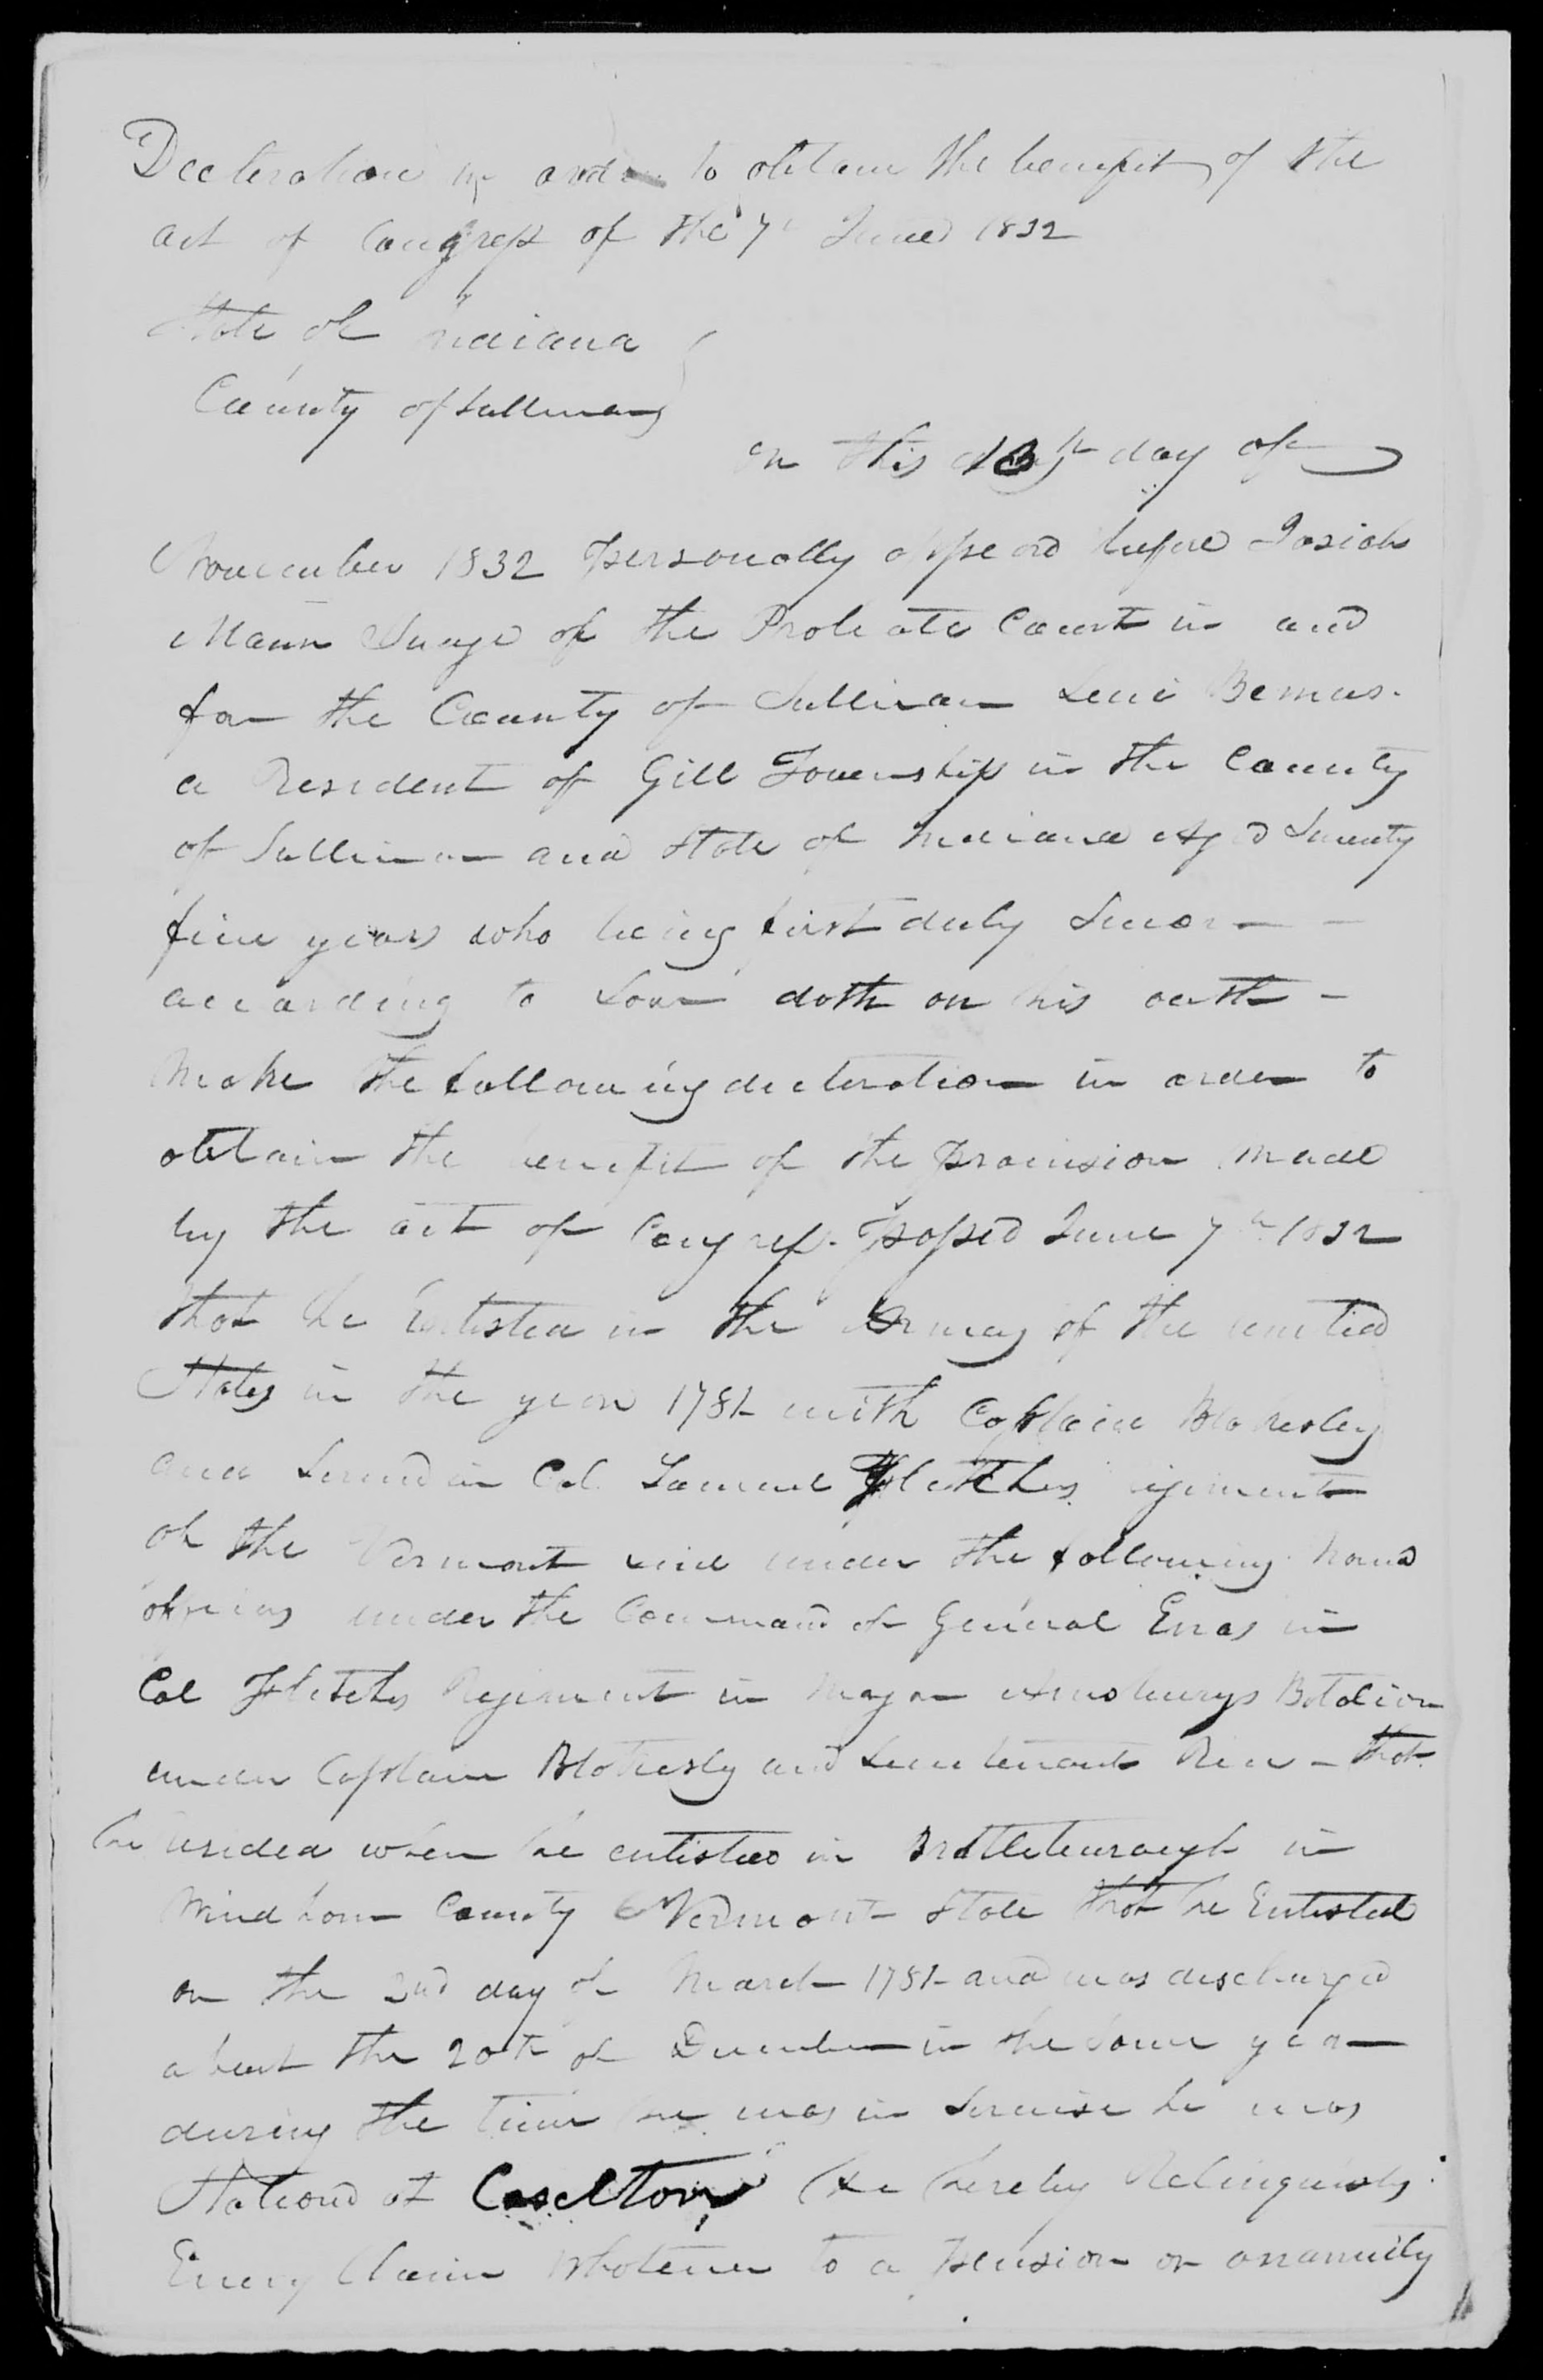Declaration by and to obtain the benefit of the act of Congress of the 7th June 1832
State of Indiana
County of Sullivan } On this 10th day of November 1832 personally appear'd before Josiah Mann Judge of the Probate Court in and for the County of Sullivan - Levi Bemas a resident of Gill Township in the County of Sullivan and state of Indiana Aged Seventy five years who being first duly sworn - according to Law doth on his oath - make the following declaration in order to obtain the benefit of the provision made by the act of Congress passed June 7th 1832 
that he Enlisted in the Army of the United States in the year 1781 - with Captain Blakesley and Served in Col Samuel Fletchers regiment of the Vermont line under the following named officers under the command of General Enos in Col Fletchers Regiment in Major Ainsburys Battalion under Captain Blakesley and Lieutenant Rice - that he resided when he enlisted in Brattleborough in Windham County Vermont State that he Enlisted on the 3rd day of March 1781 - and was discharged about the 20th of December in the same year - during the time he was in service he was stationed at Castleton (& he hereby relinquishes Every Claim whatever to a pension or annuity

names: Blakesly, Enos, Levi Bemus, Samuel Fletcher, Reer, Josiah Mann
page: 4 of 14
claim: survivor's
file: S. 32116, Levi Bemis, Vt.